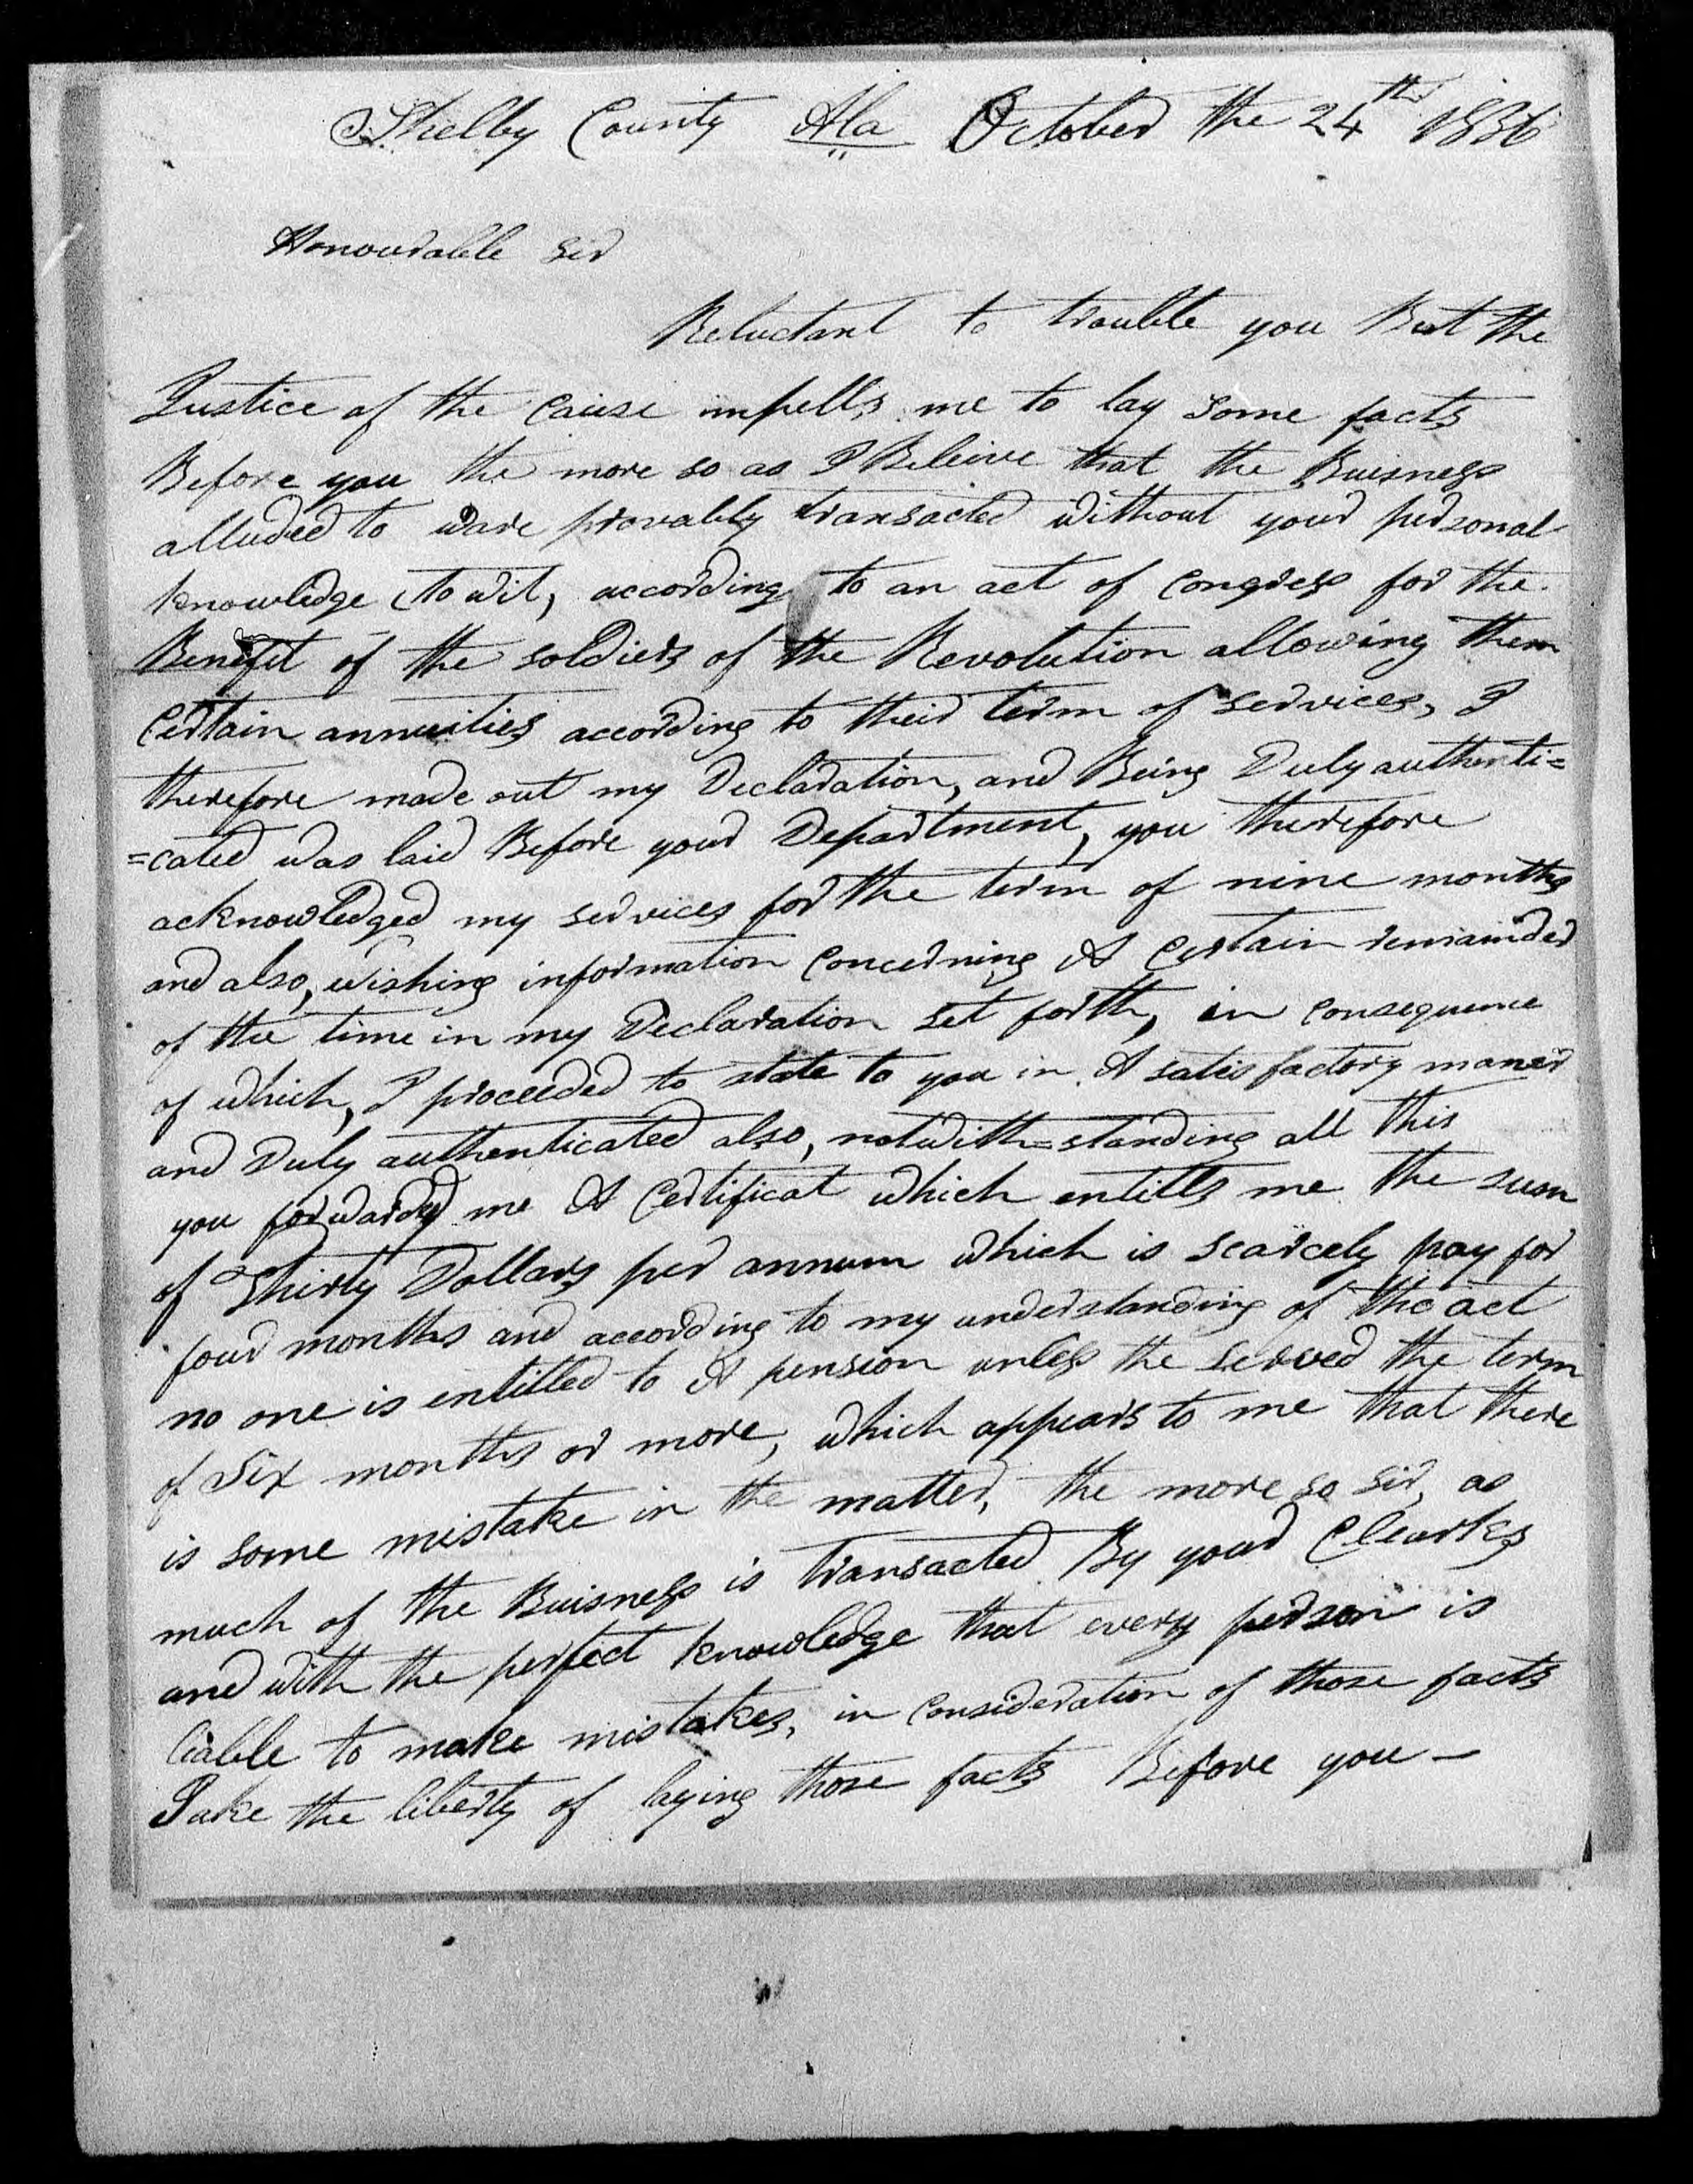Shelby County Ala. October the 24th  1836  Honorable Sir, Reluctant to trouble you  , but the justice of the cause impels me to lay some facts before you  the more so as I believe  that the  business alluded to  were provably transacted without your personal knowledge , to wit, according to an act of Congress for the benefit of the soldiers of the Revolution allowing them certain annuities according to their  term of services & therefore made out my Declaration and being duly authenticated was laid before your  Department , you therefore  acknowledged my services for the term of nine months and also , wishing  information  concerning a certain remainder of the time in my declaration set forth , in consequence of which  I proceeded to state to you  in  a satisfactory manner and duly authenticated also ,  not withstanding  all this you forwarded me a Certificate which entitles me the sum of thirty dollars per annum which is scarcely pay for four months and according  to my understanding of the act no one is entitled to a pension unless they served the term of six months or more , which appears to me  that there is some mistake in the matter, the more so sir as much of the business is transacted by your clerks  and with the perfect knowledge that every person is liable to make mistakes inconsideration of those facts  I take the liberty of  laying those facts before you -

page: 15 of 18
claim: survivor's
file: S. 10,773, Henry Gragg, S.C.